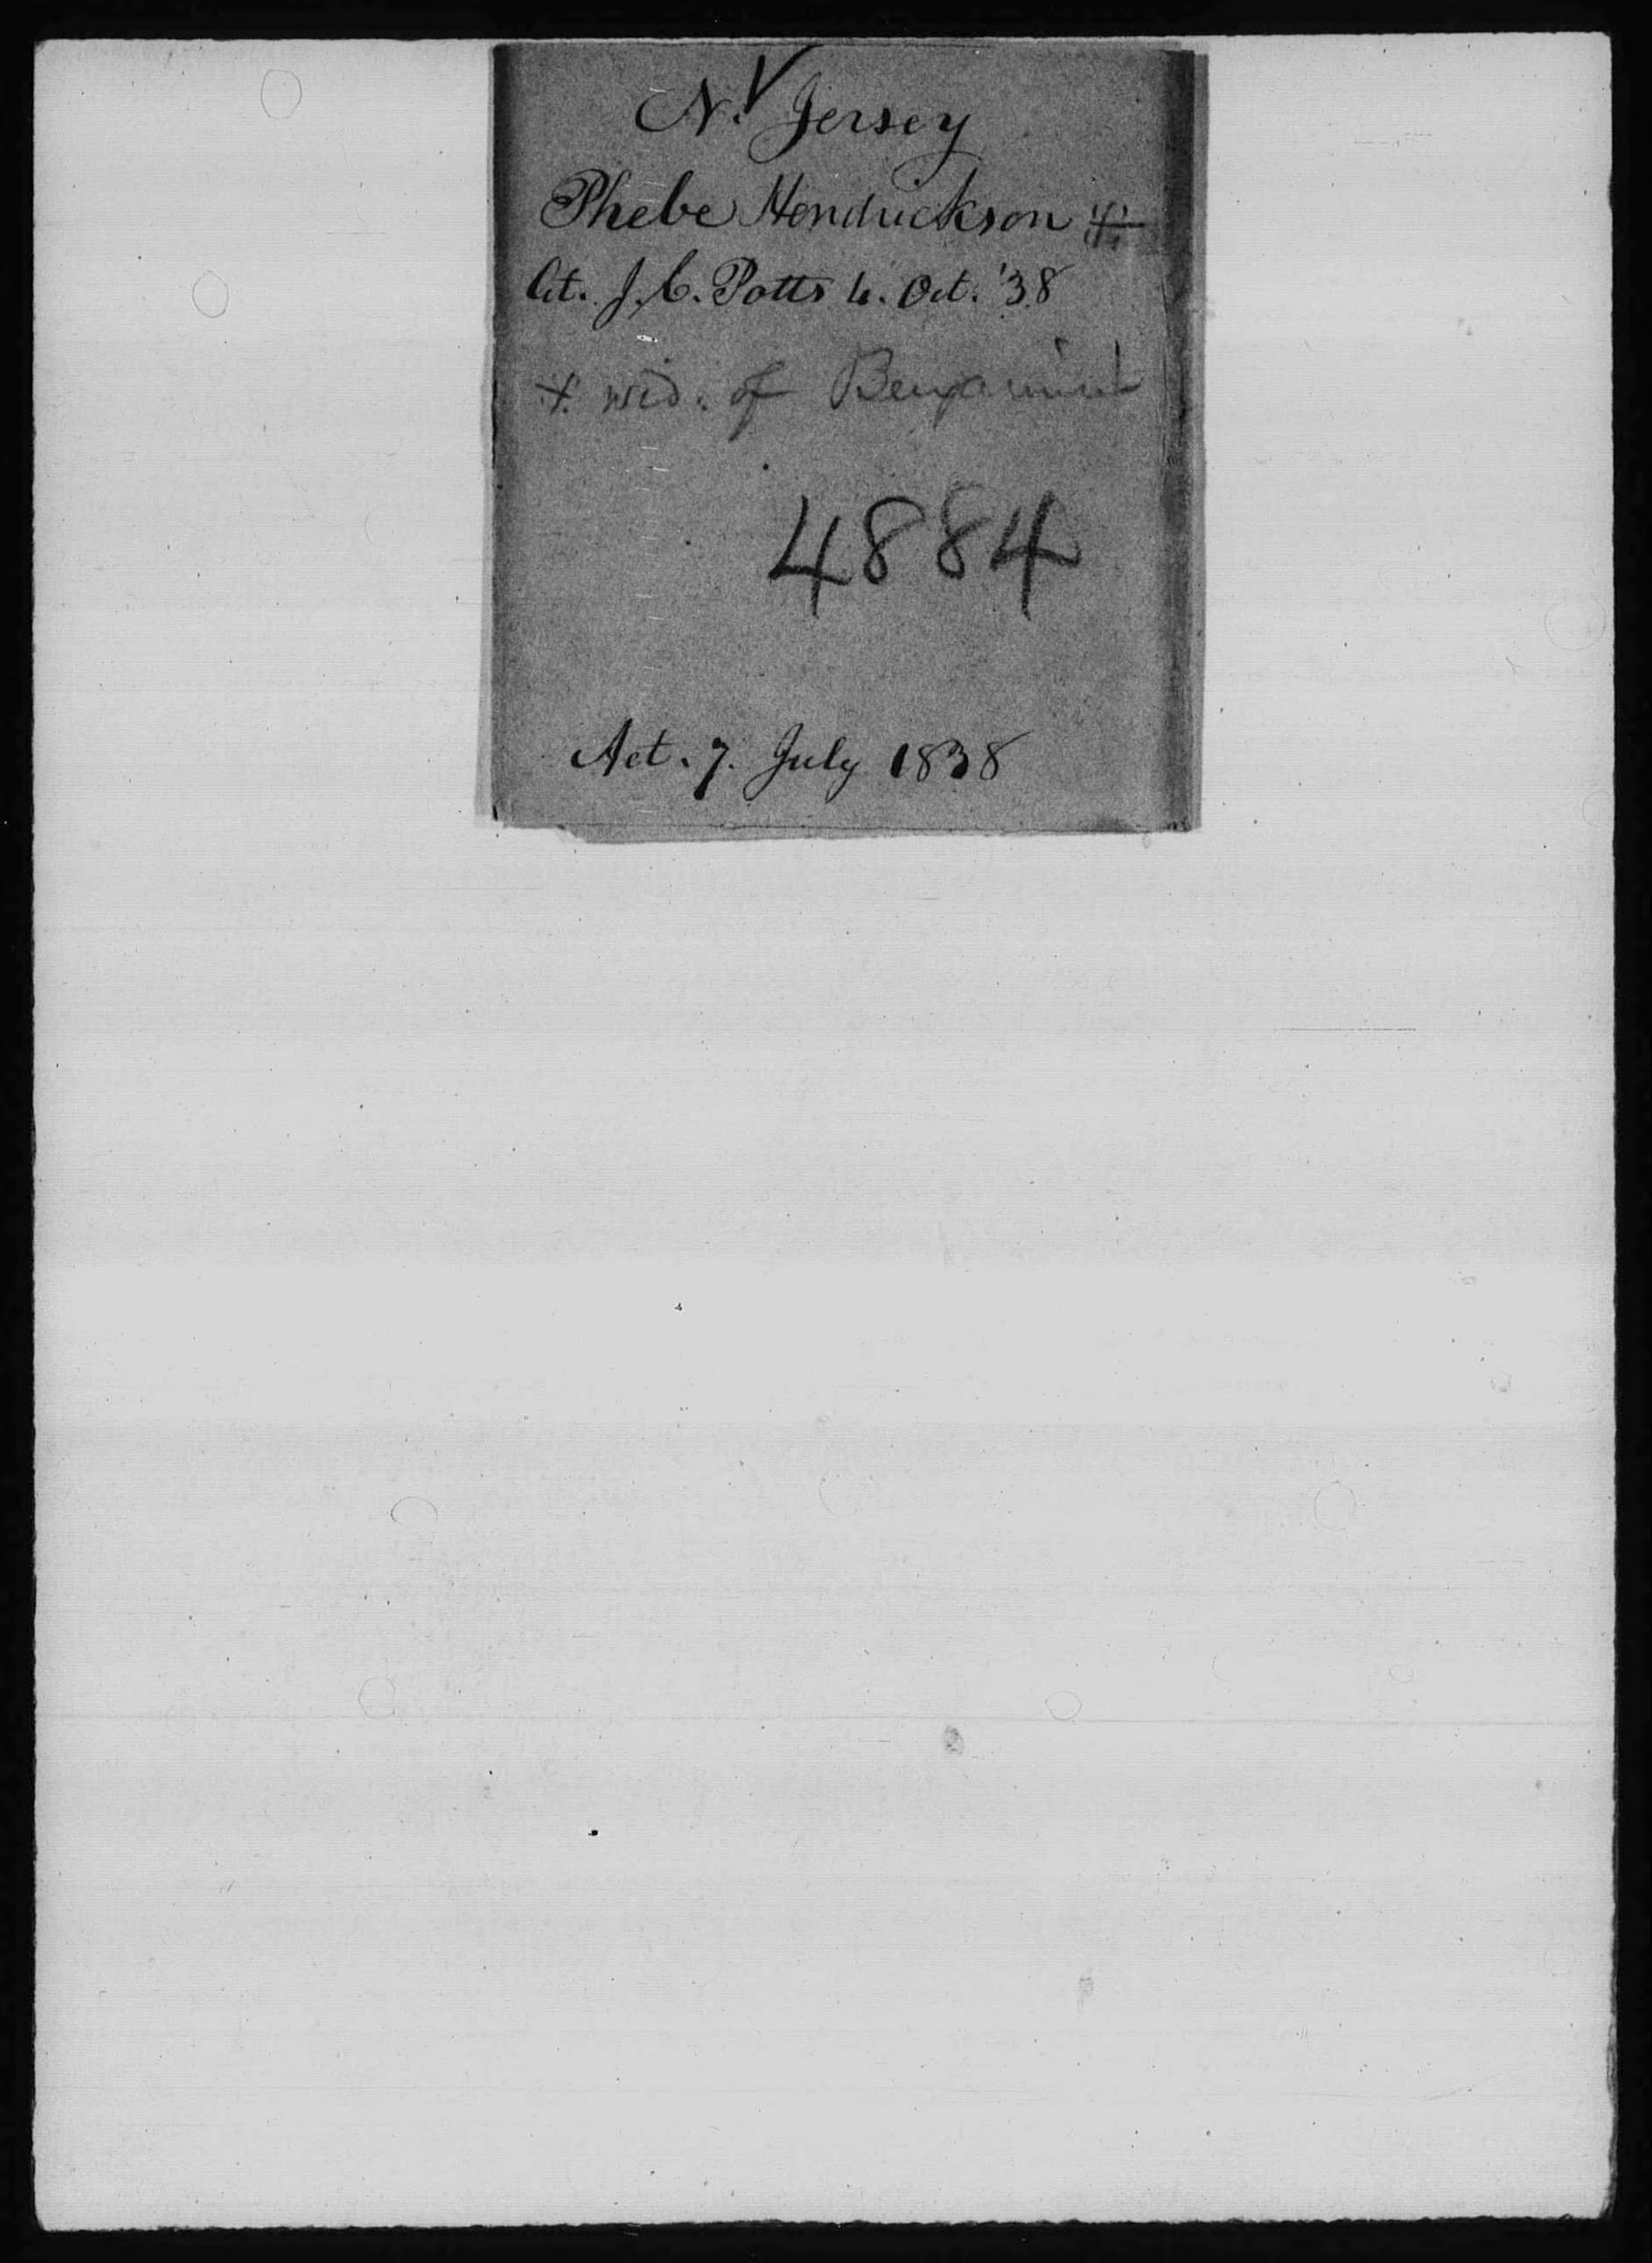N. Jersey
Phebe Hendrickson
At. J. C. Potts 4 Oct. '38
wid. of Benjamin
4884
Act. 7. July 1838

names: Phebe Hendrickson, J C Potts, Benjamin Potts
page: 15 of 20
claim: rejected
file: R. 4884, Benjamin Hendrickson, New Jersey